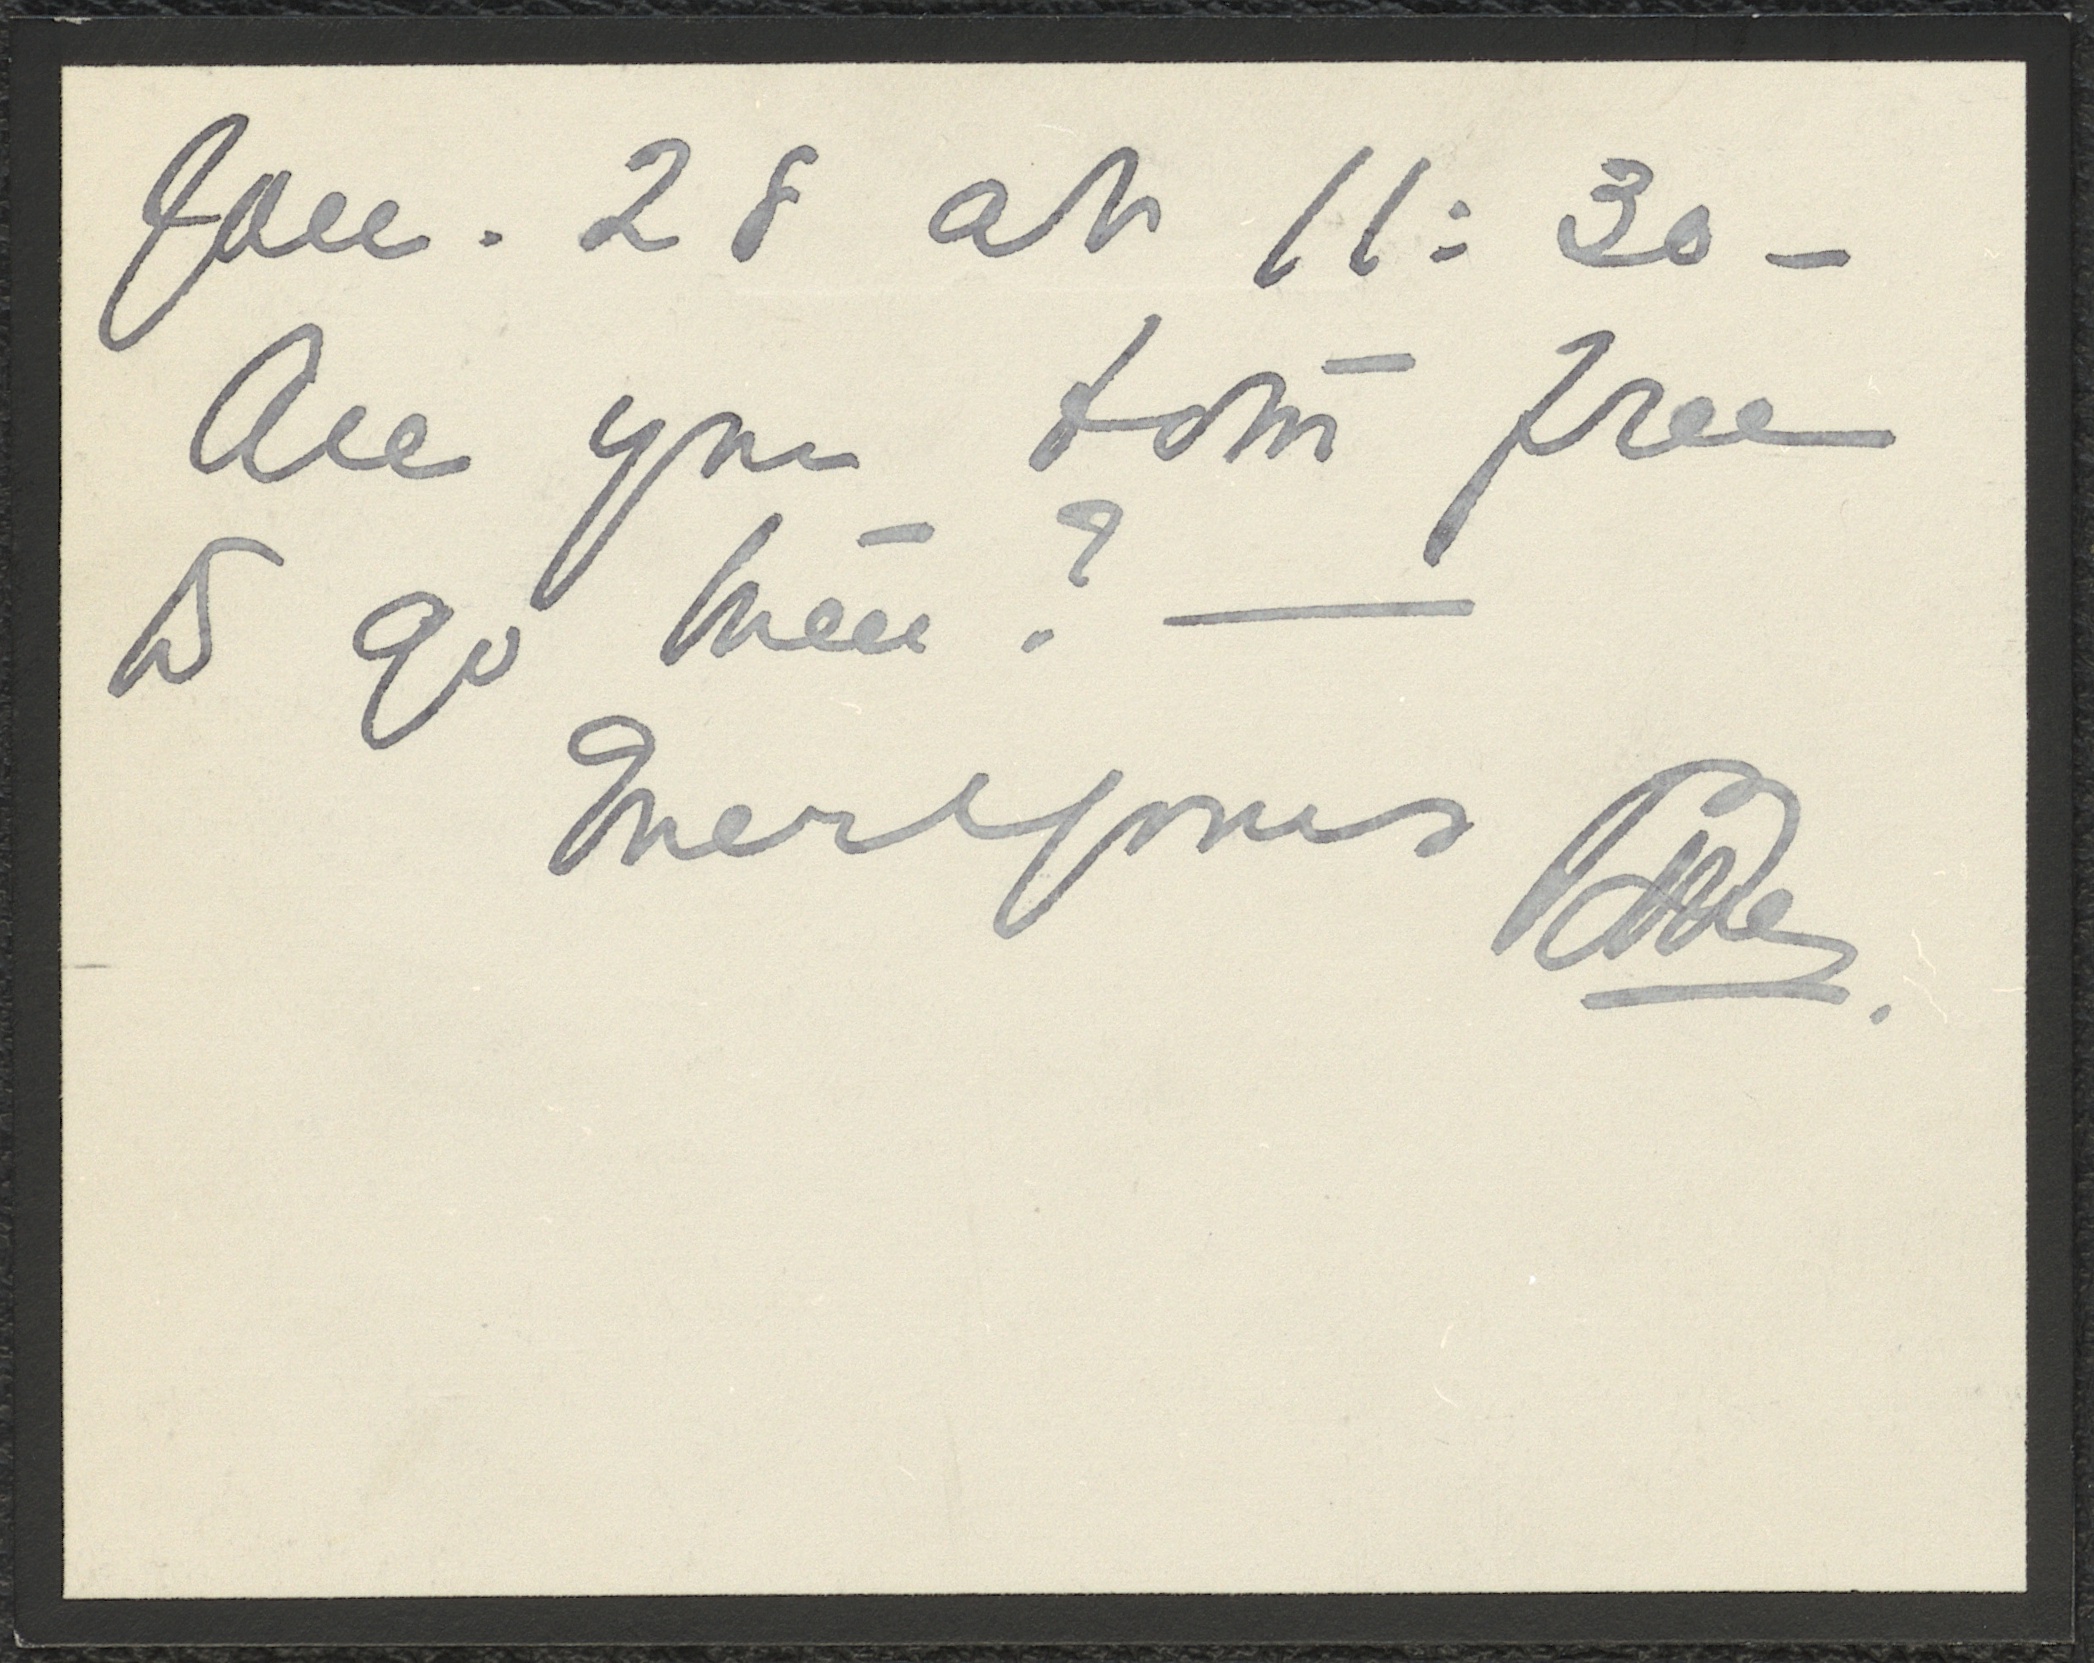Jan. 28 at 11:30 – Are you both free to go then? –
Ever yours Belle